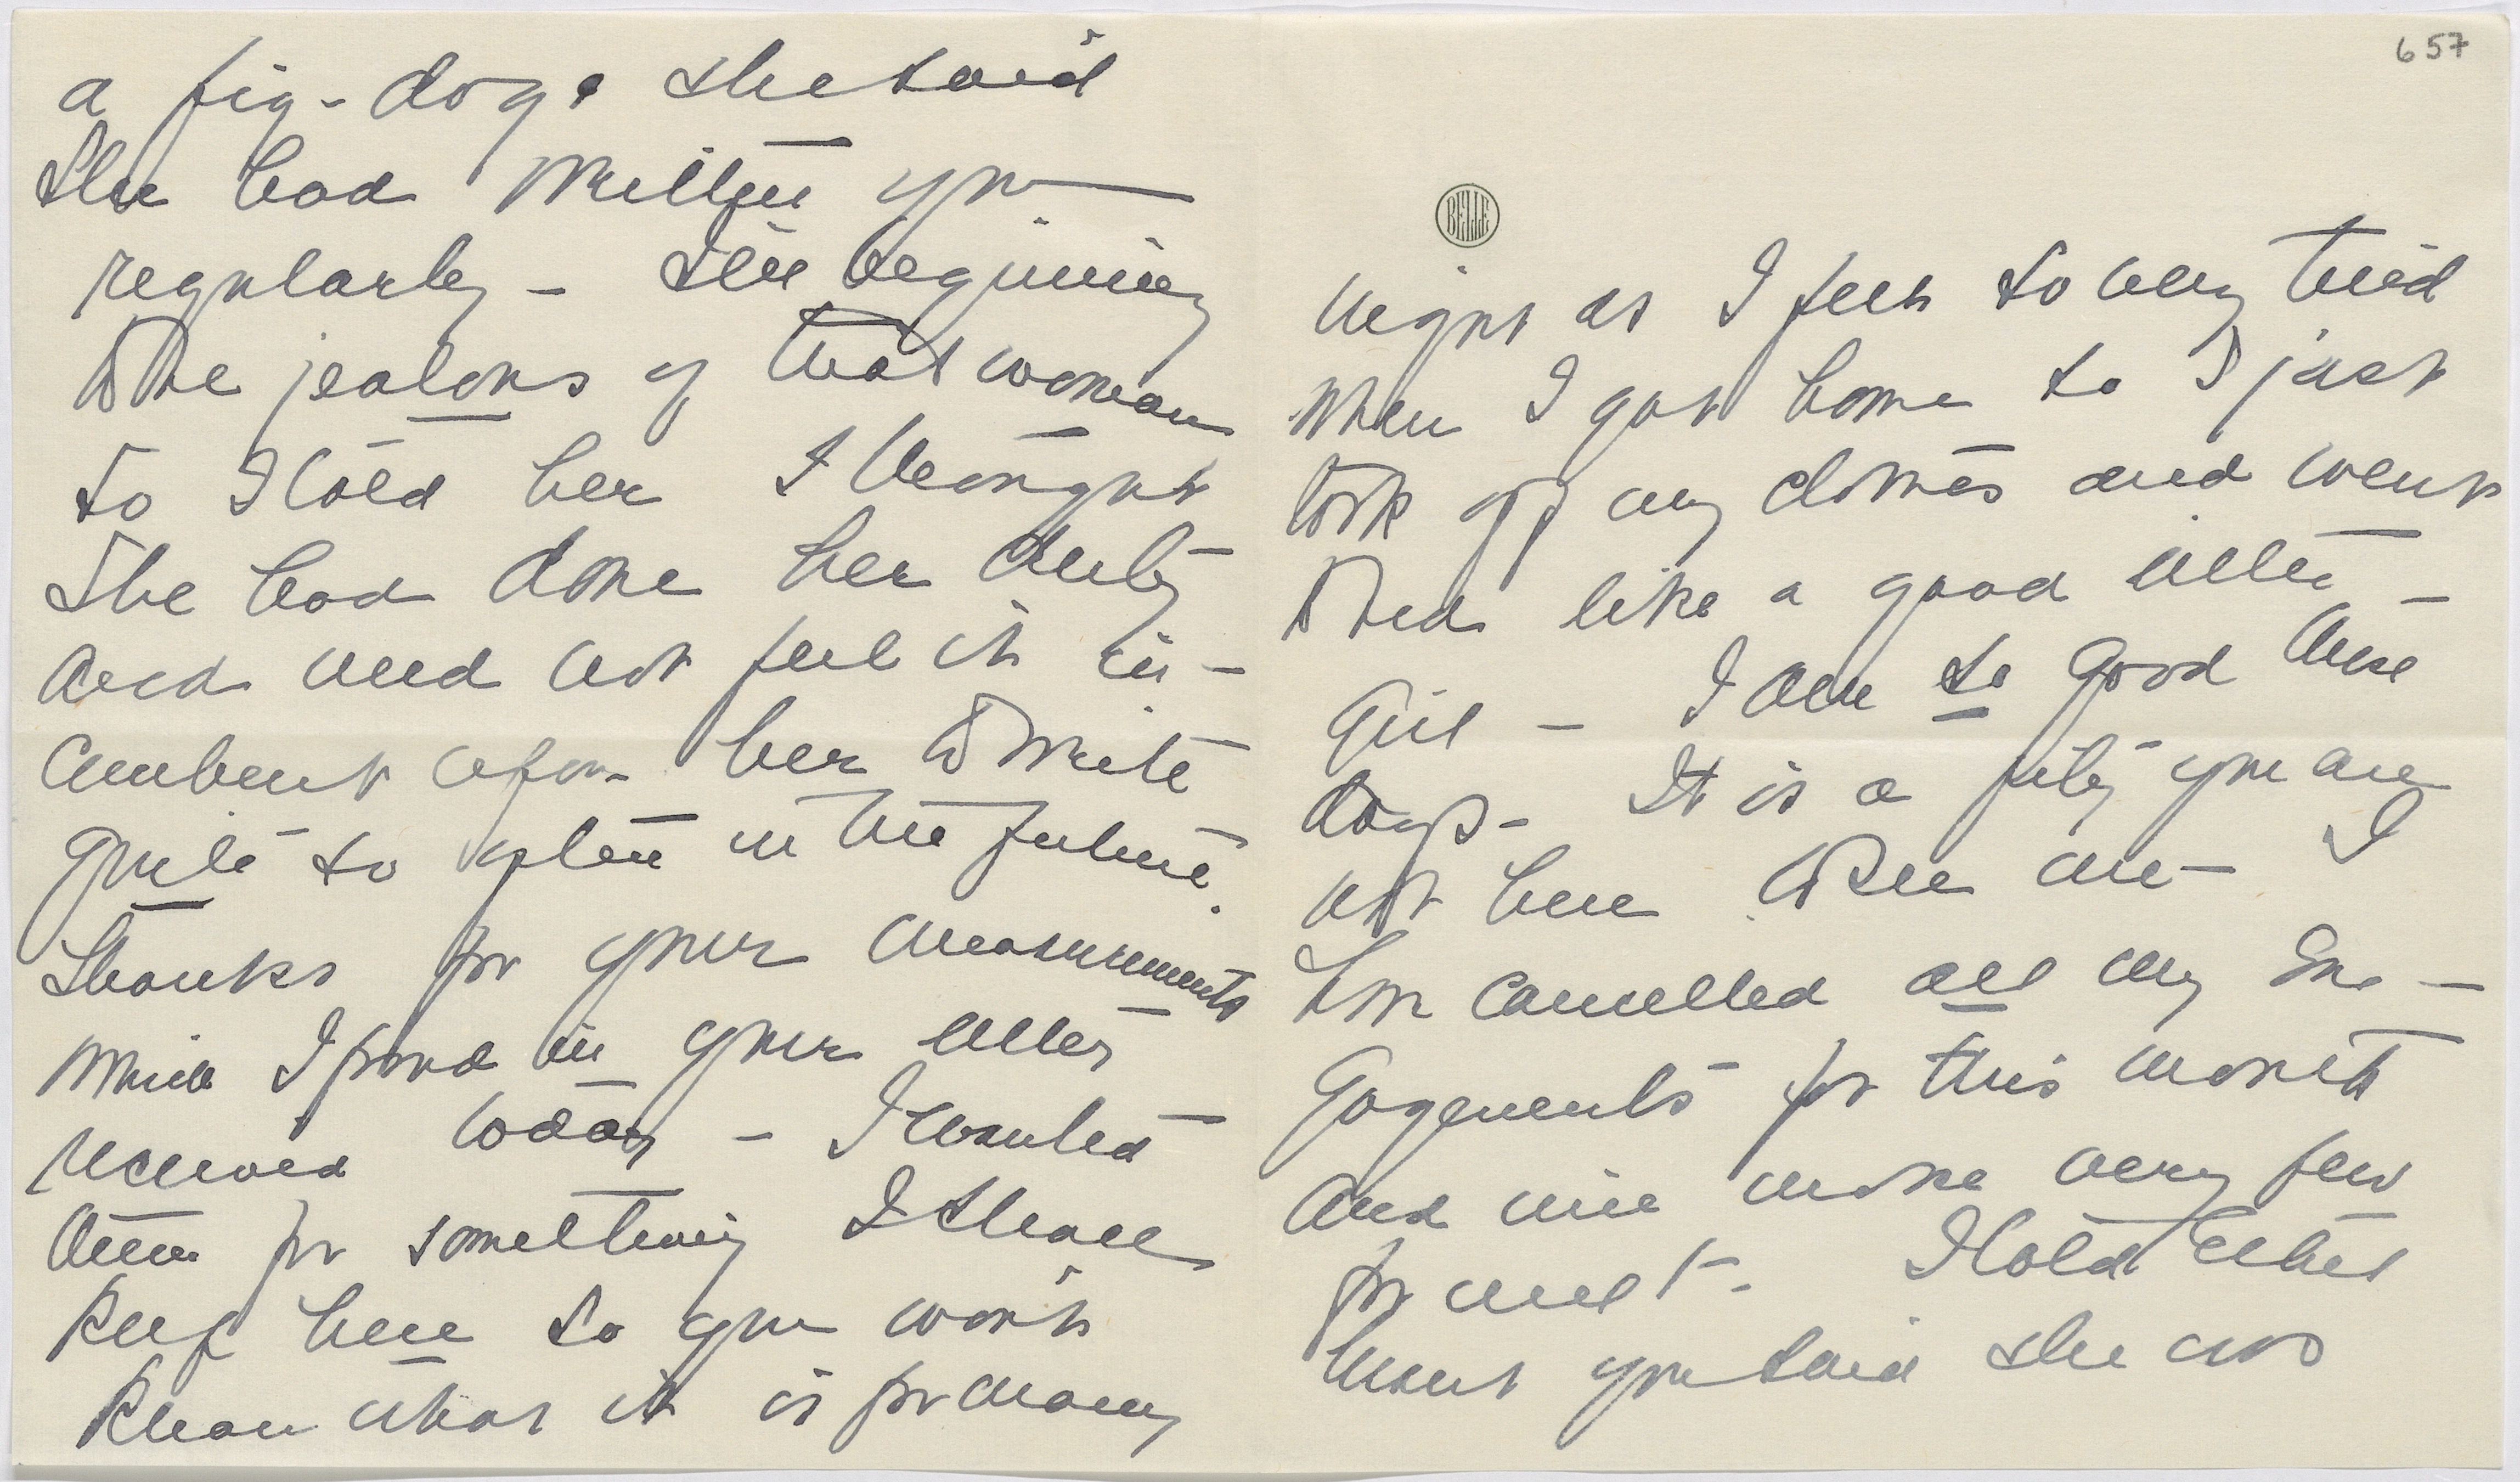night as I felt so very tired when I got home so I just took off my clothes and went to bed like a good little girl – I am so good these days – It is a pity you are not here to see me – I have cancelled all my engagements for this month and will make very few for next. I told Ethel Grant you said she was
a pig-dog & she said She had written you regularly – I’m beginning to be jealous of that woman so I told her I thought She had done her duty and need not feel it incumbent upon her to write quite so often in the future. Thanks for your measurements which I found in your letter received today – I wanted them for something I shall keep here so you won’t know what it is for many